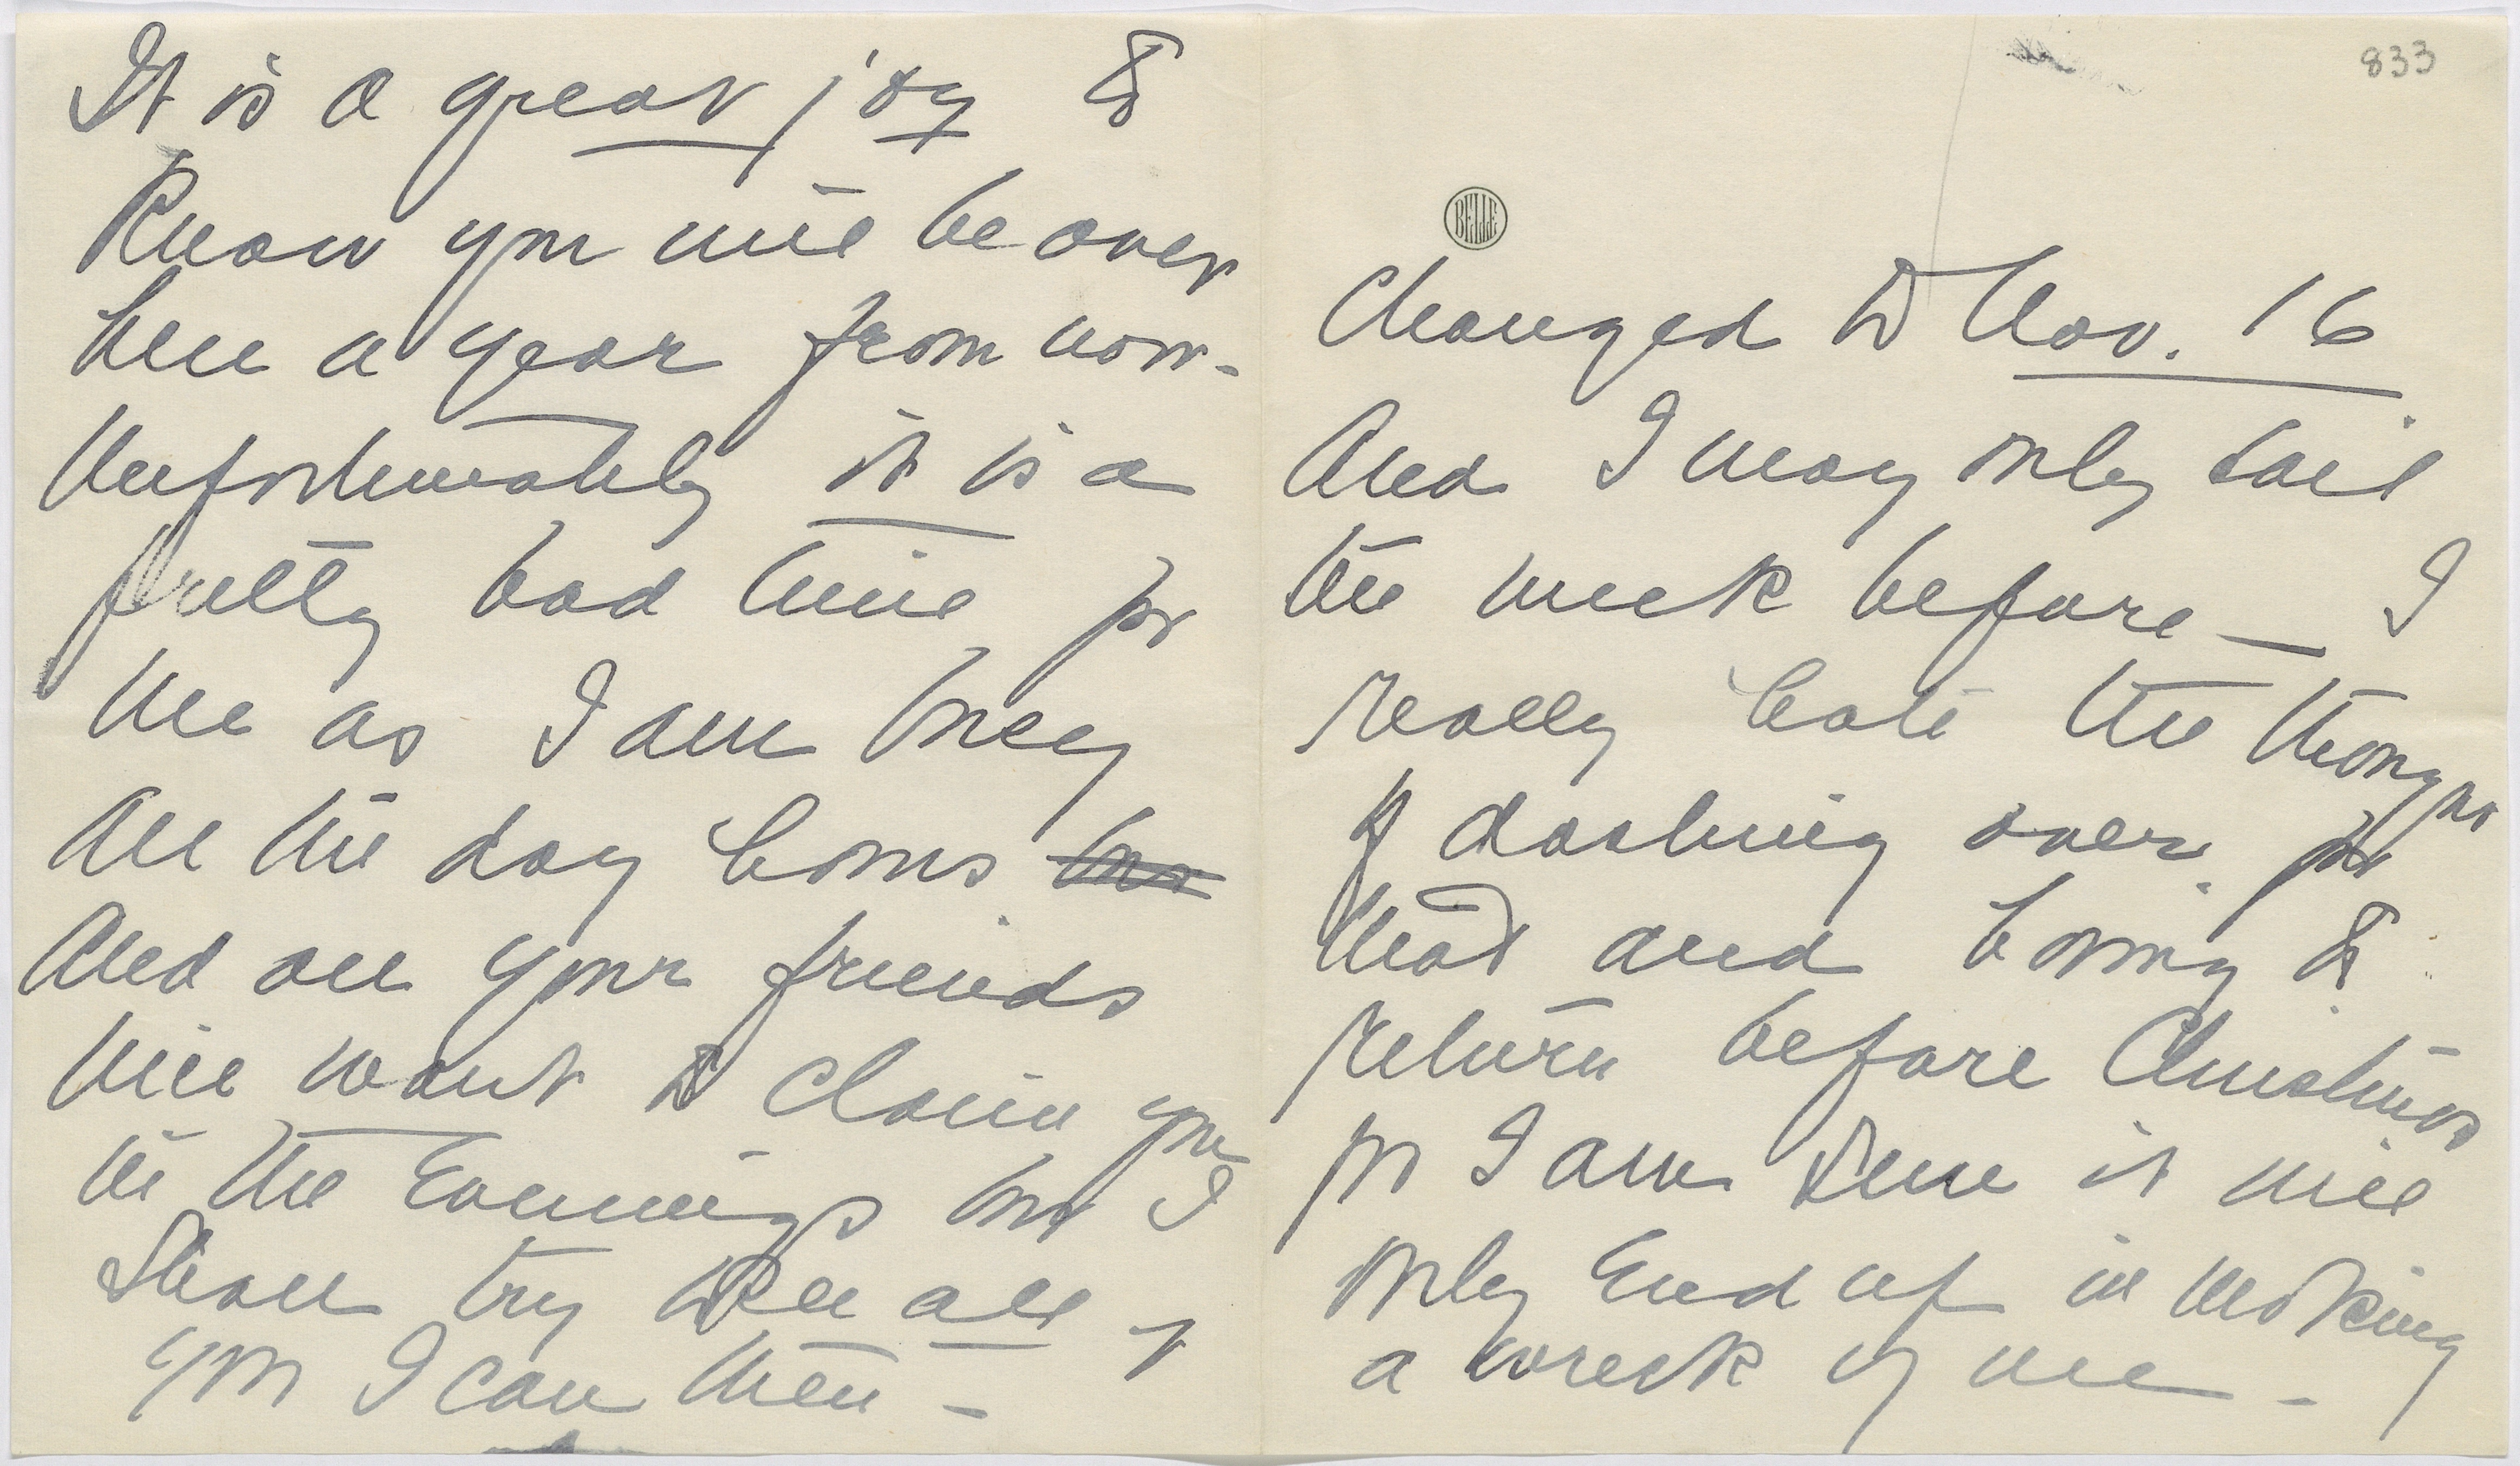changed to Nov. 16 And I may only sail the week before – I really hate the thought of dashing over for that and having to return before Christmas for I am sure it will only end up in making a wreck of me –
It is a great joy to know you will be over here a year from now – Unfortunately it is a pretty bad time for me as I am busy all the day hours but And all your friends will want to claim you in the Evenings but I shall try to see all of you I can then –